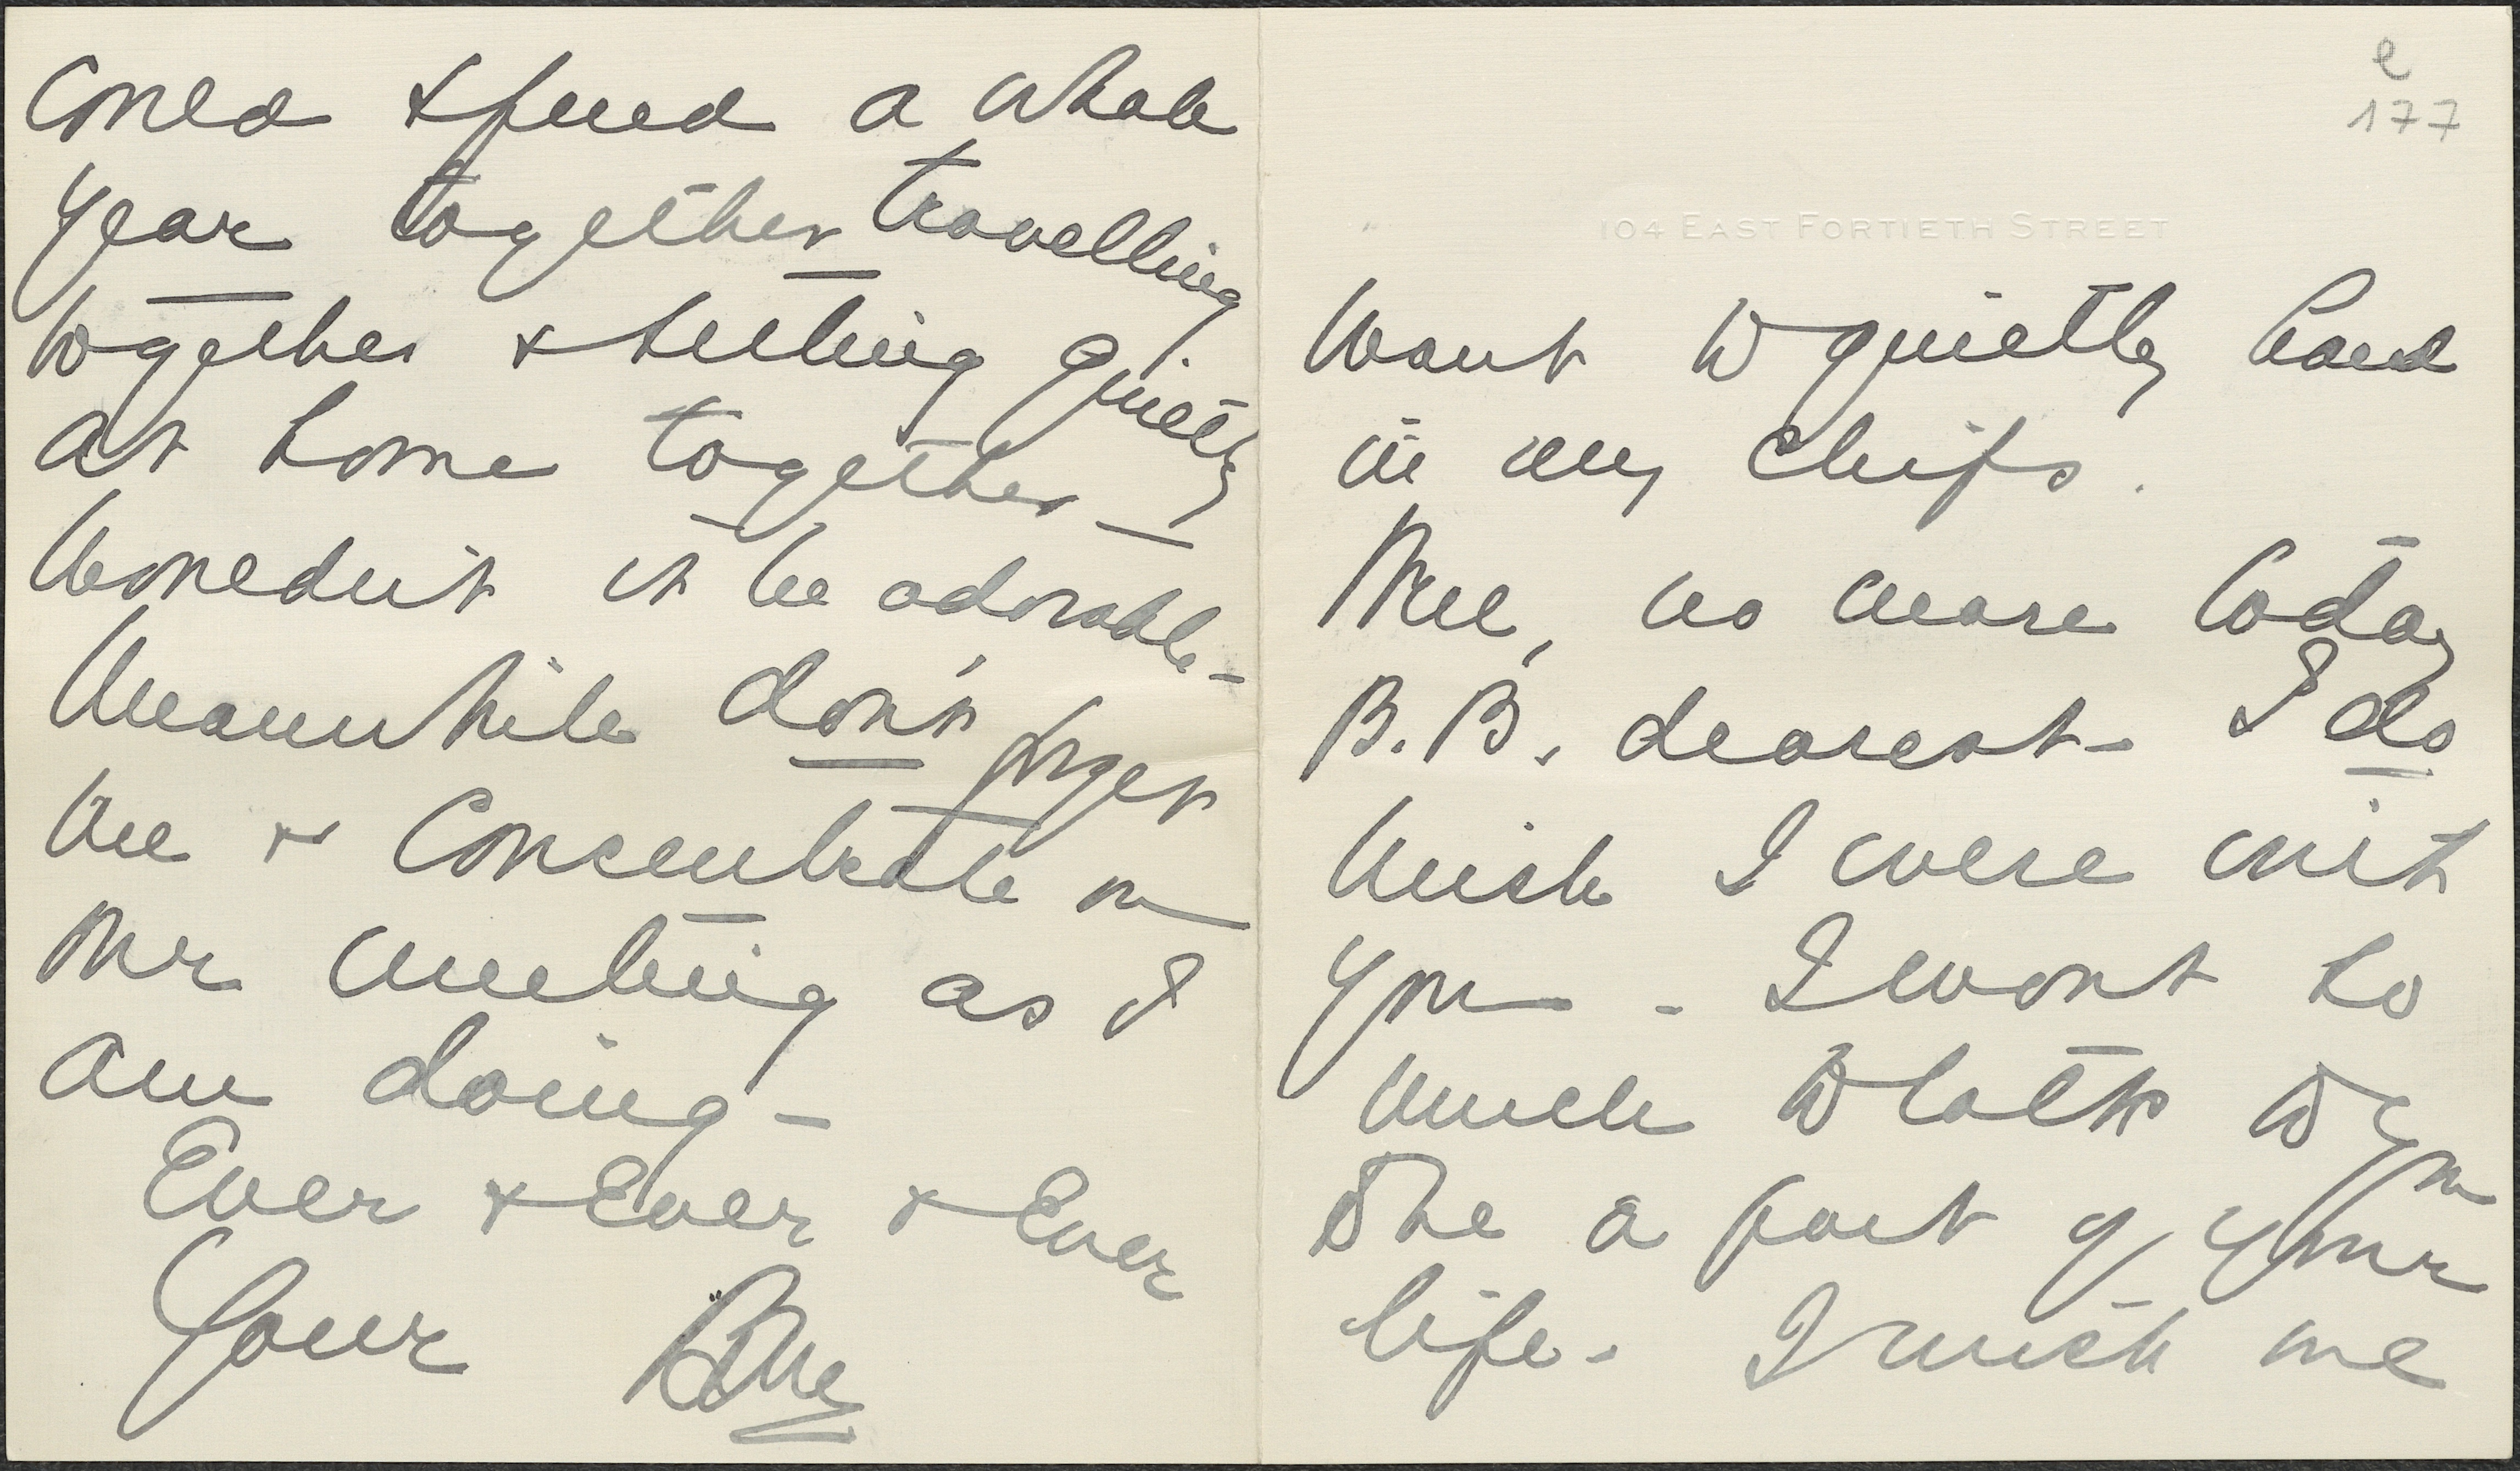want to quietly hand in my chips.
Well, no more today B. B. dearest – I do wish I were with you – I want so much to talk to you to be a part of your life – I wish we
could spend a whole year together travelling together & sitting quietly at home together – wouldn’t it be adorable – Meanwhile don’t forget me & concentrate on our meeting as I am doing –
Ever & Ever & Ever
Your Belle